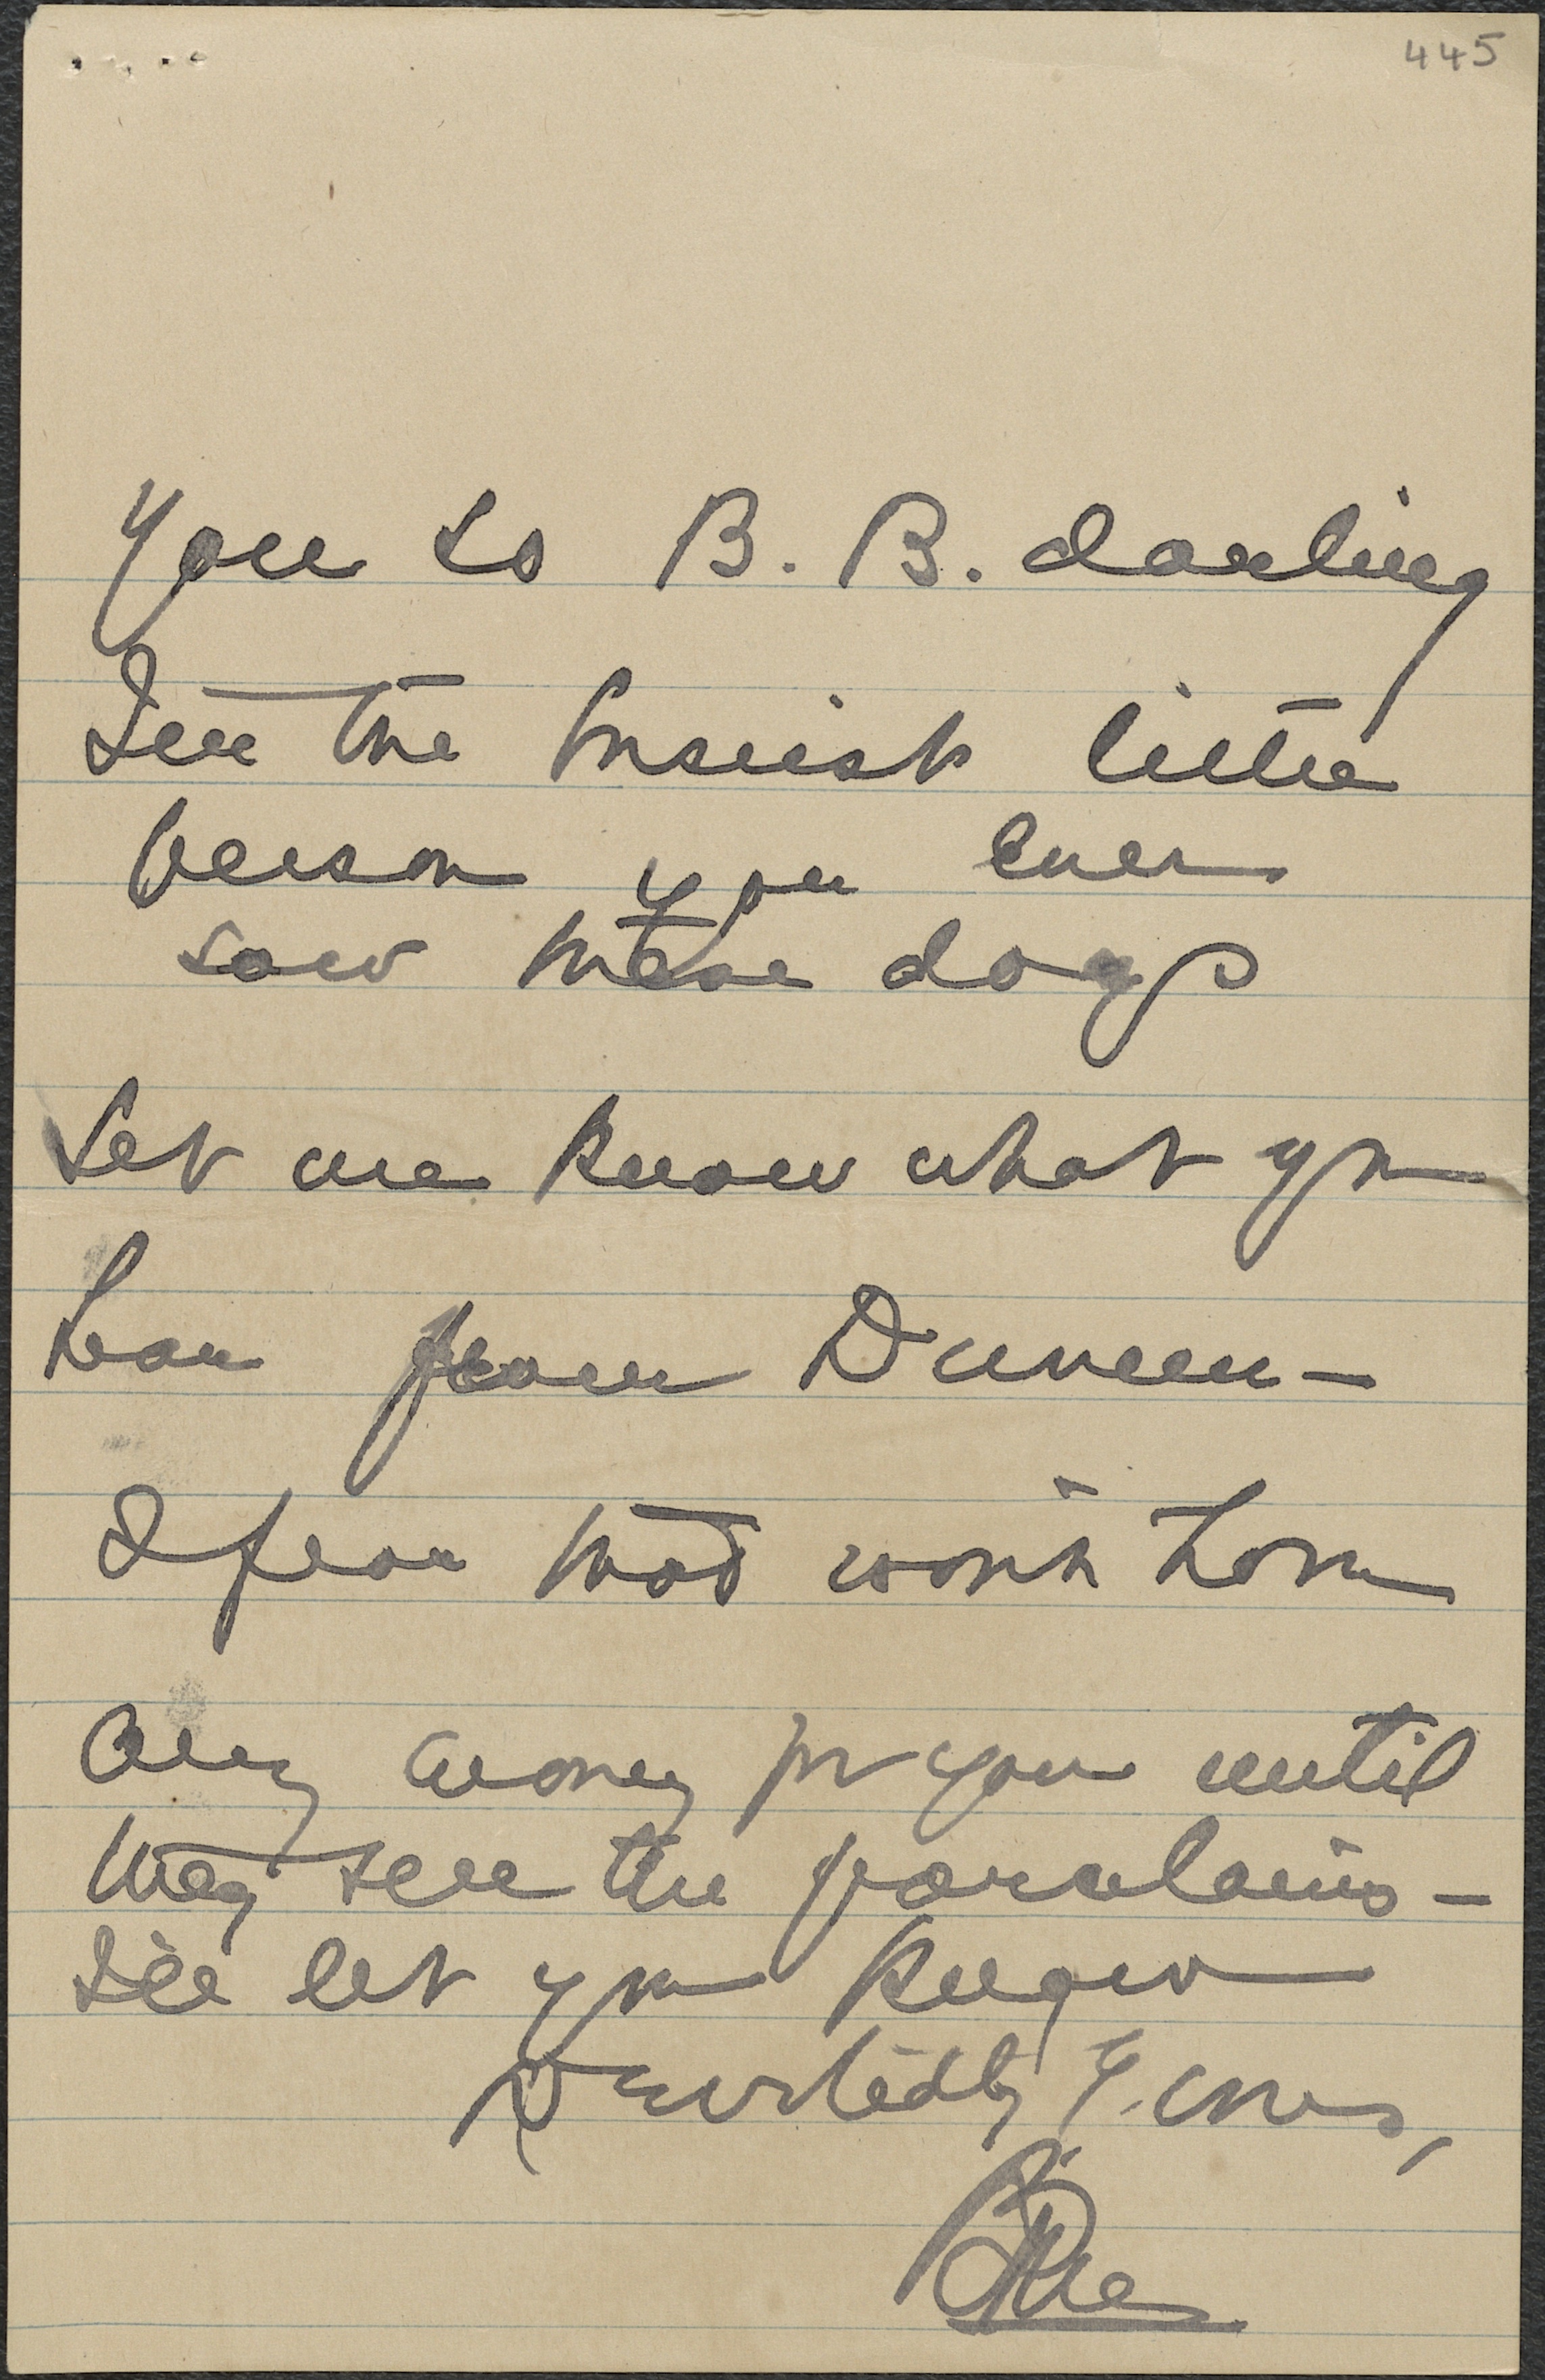you so B. B. darling
I’m the busiest little person you ever saw these days
Let me know what you hear from Duveen –
I fear that won’t have any money for you until they sell the porcelains – I’ll let you know
Devotedly yours,
Belle